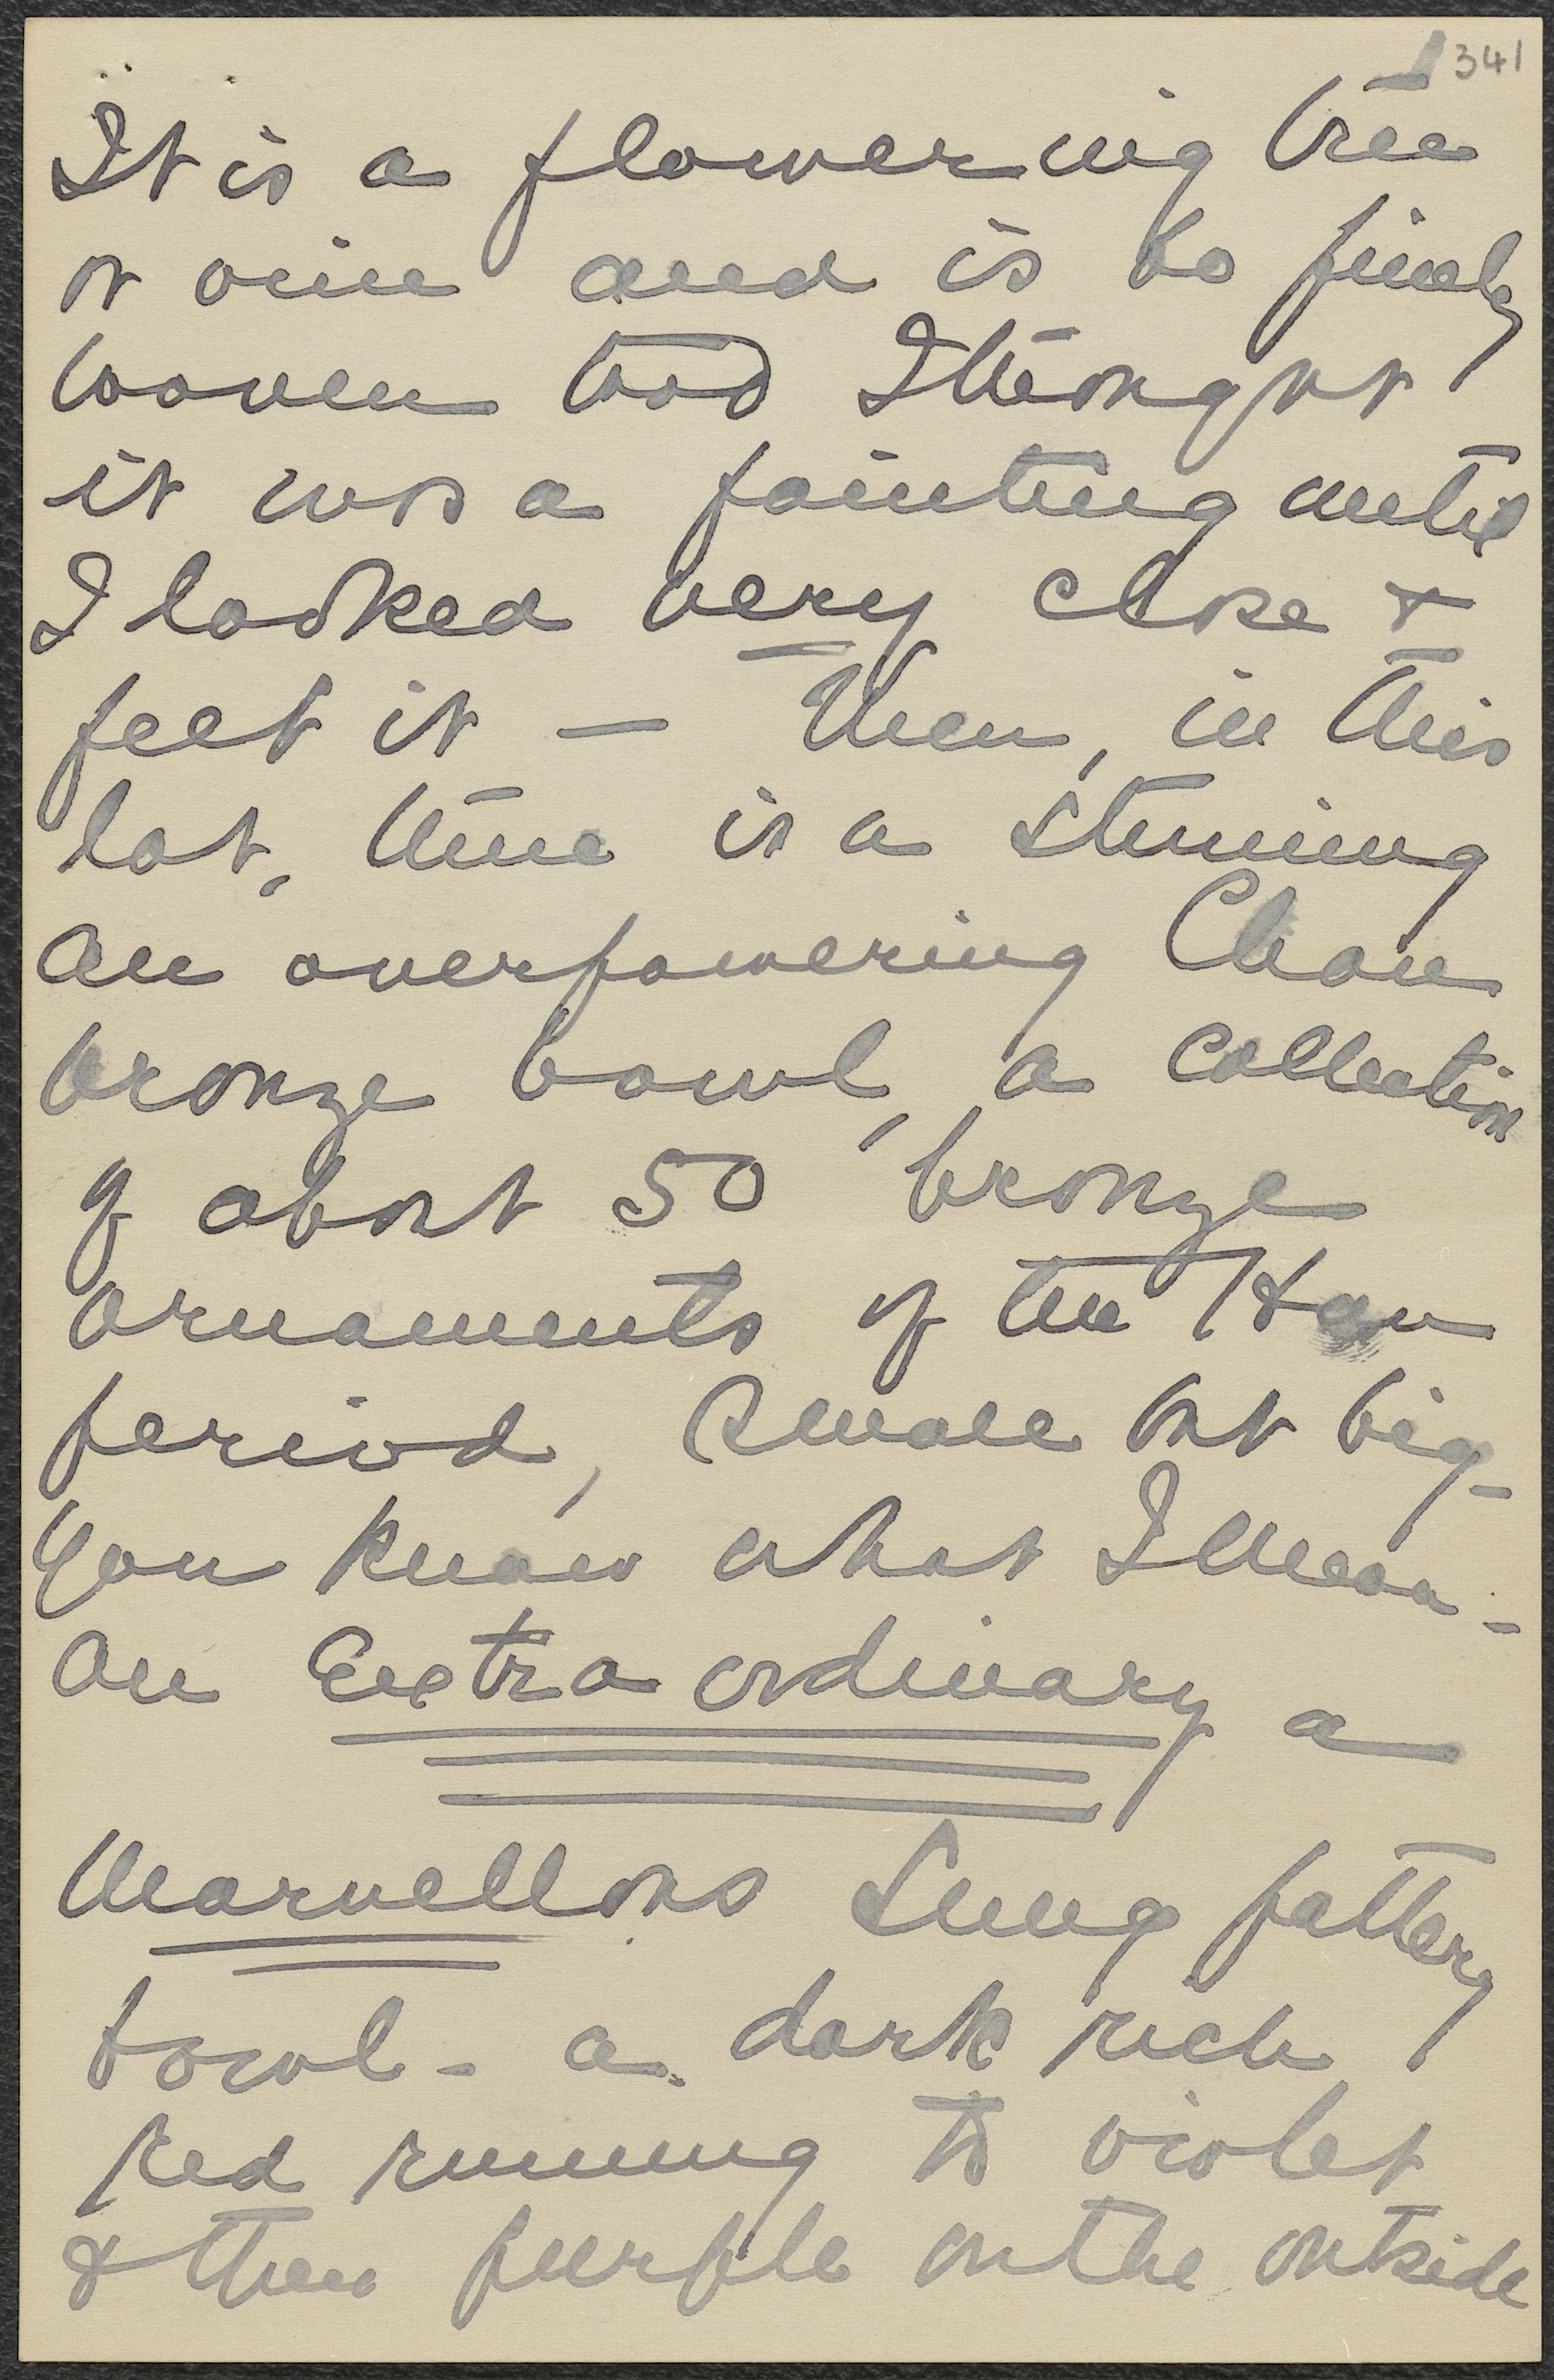It is a flowering tree or vine and is so finely woven that I thought it was a painting until I looked very close & felt it – Then, in this lot , there is a stunning all overpowering Chan bronze bowl, a collection of about 50 bronze ornaments of the Han period, small but big – you know what I mean – an [triple underlined: extraordinary] a [double underlined: marvellous] Sung pottery bowl – a dark rich red running to violet & then purple on the outside